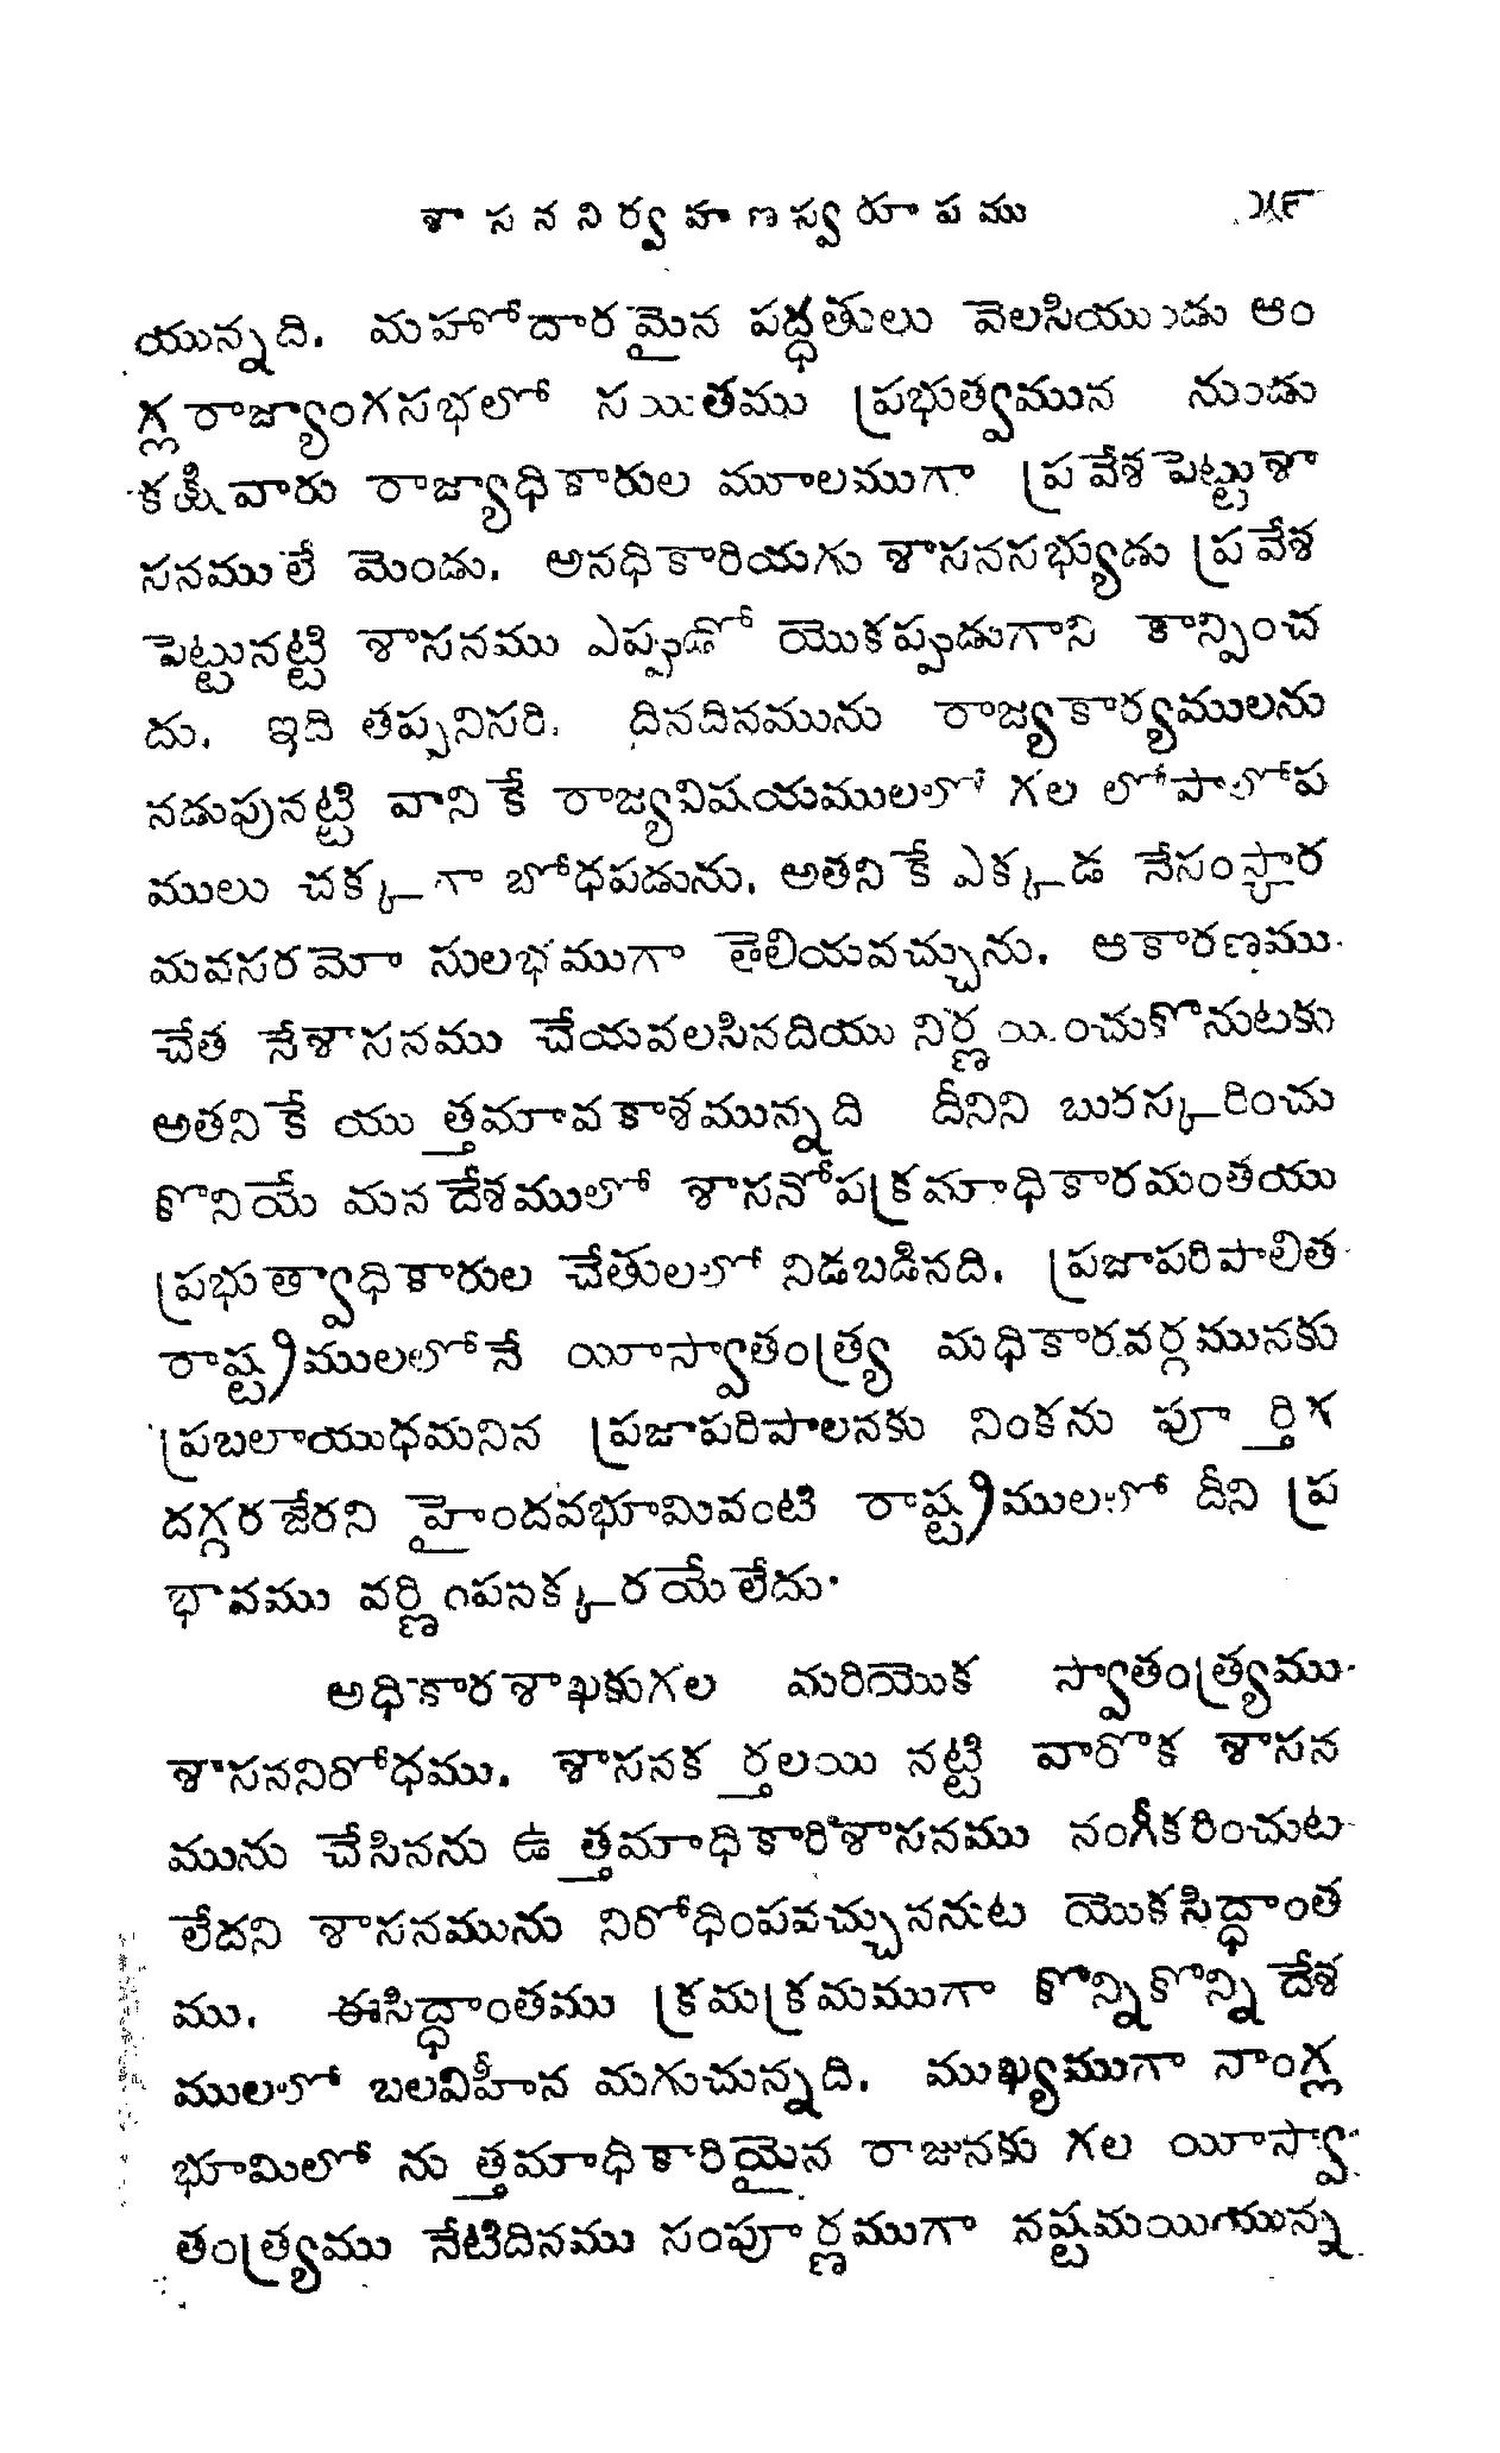యున్నది. మహోదారమైన పద్ధతులు వెలసియుండు ఆంగ్లరాజ్యాంగసభలో సయితము ప్రభుత్వమున నుండు కక్షివారు రాజ్యాధికారుల మూలముగా ప్రవేశపెట్టుశాసనములే మెండు. అనధికారియగు శాసనసభ్యుడు ప్రవేశ పెట్టునట్టి శాసనము ఎప్పుడో యొకప్పుడుగాని కాన్పించదు. ఇది తప్పనిసరి. దినదినమును రాజ్యకార్యములను నడుపునట్టి వానికే రాజ్యవిషయములలో గల లోపాలోపములు చక్కగా బోధపడును. అతనికే ఎక్కడ నేసంస్కార మవసరమో సులభముగా తెలియవచ్చును. ఆకారణముచేత నేశాసనము చేయవలసినదియు నిర్ణయించుకొనుటకు అతనికే యుత్తమావకాశ మున్నది. దీనిని బురస్కరించుకొనియే మనదేశములో శాసనోపక్రమాధికారమంతయు ప్రభుత్వాధి కారుల చేతులలో నిడబడినది. ప్రజాపరిపాలిత రాష్ట్రములలోనే యీస్వాతంత్ర్య మధికారవర్గమునకు
ప్రబలాయుధమనిన ప్రజాపరిపాలనకు నింకను పూర్తిగ దగ్గరజేరని హైందవభూమివంటి రాష్ట్రములలో దీని ప్రభావము వర్ణింపనక్కరయే లేదు.

అధికారశాఖకుగల మరియొక స్వాతంత్ర్యము శాసననిరోధము. శాసనకర్తలయి నట్టి వారొక శాసనమును చేసినను ఉత్తమాధికారిశాసనము నంగీకరించుట లేదని శాసనమును నిరోధింపవచ్చు ననుట యొకసిద్ధాంతము. ఈసిద్ధాంతము క్రమక్రమముగా కొన్నికొన్ని దేశములలో బలవిహీన మగుచున్నది. ముఖ్యముగా నాంగ్ల భూమిలో నుత్తమాధికారియైన రాజునకు గల యీస్వాతంత్ర్యము నేటిదినము సంపూర్ణముగా నష్టమయియున్న